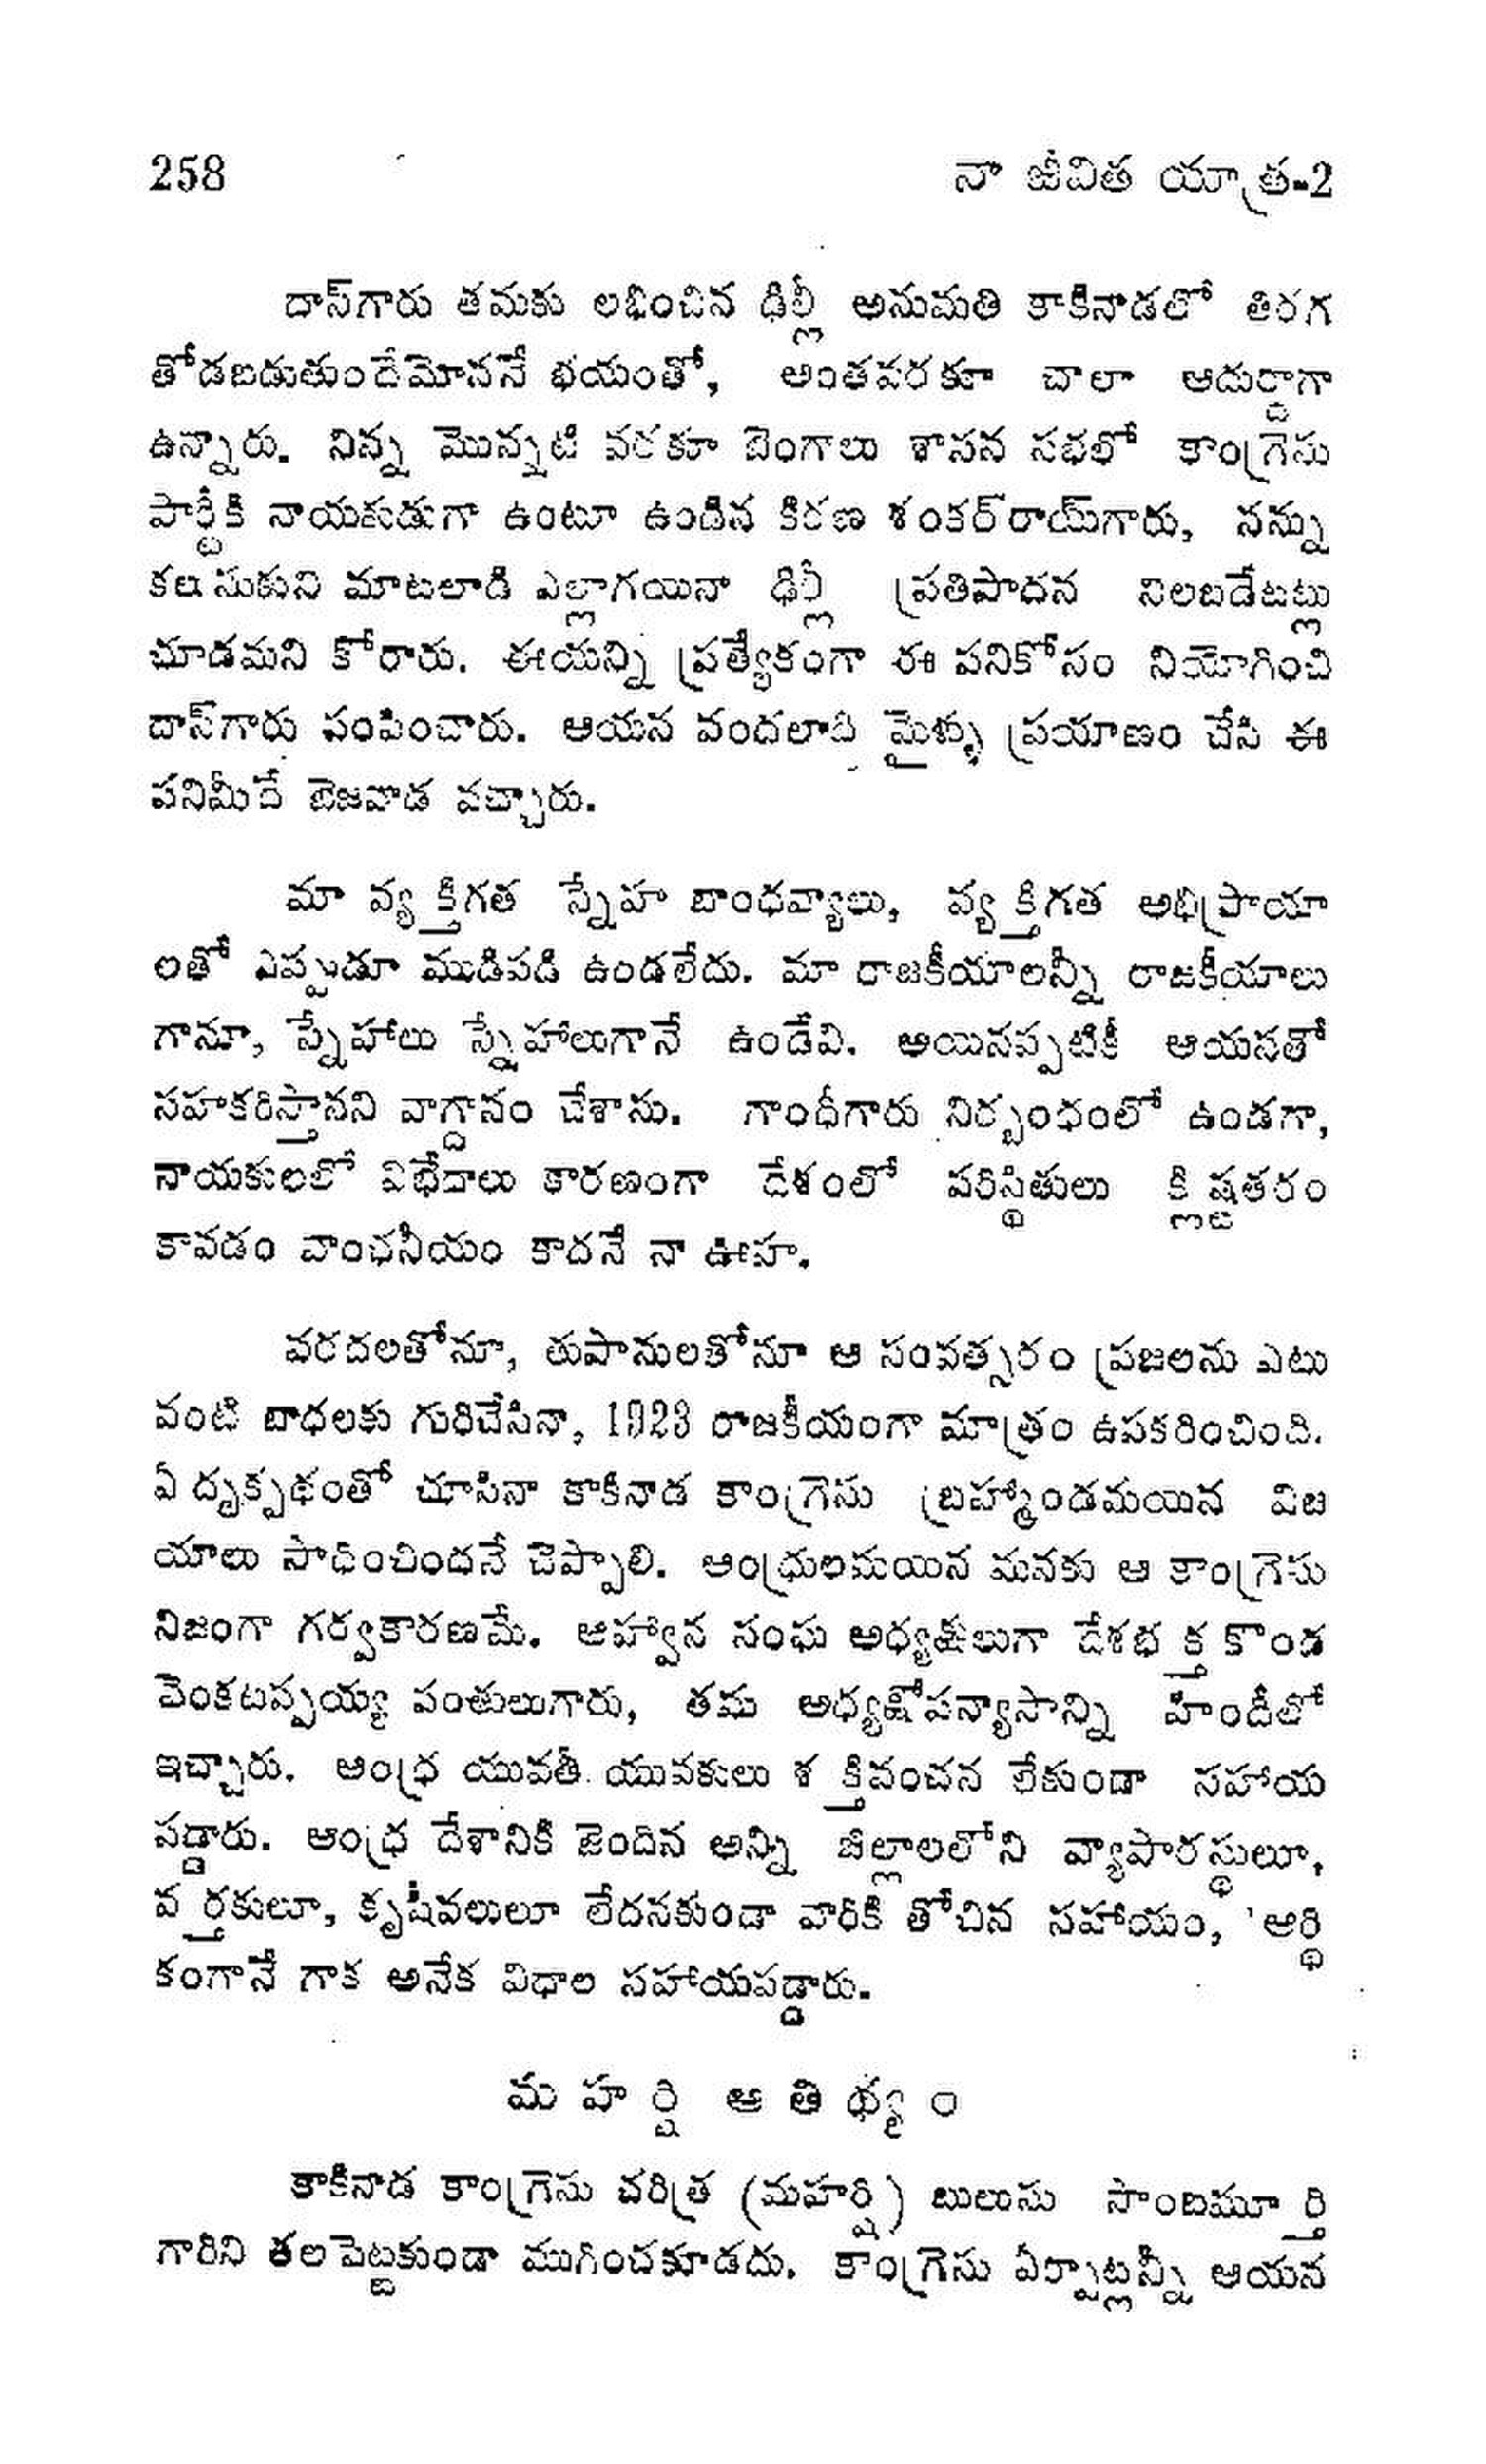దాస్‌గారు తమకు లభించిన ఢిల్లీ అనుమతి కాకినాడలో తిరగ తోడబడుతుందేమోననే భయంతో, అంతవరకూ చాలా ఆదుర్దాగా ఉన్నారు. నిన్న మొన్నటి వరకూ బెంగాలు శాసన సభలో కాంగ్రెసు పార్టీకి నాయకుడిగా ఉంటూ ఉండిన కిరణ శంకర్‌రాయ్‌గారు, నన్ను కలుసుకుని మాటలాడి ఎల్లాగయినా ఢిల్లీ ప్రతిపాదన నిలబడేటట్లు చూడమని కోరారు. ఈయన్ని ప్రత్యేకంగా ఈ పనికోసం నియోగించి దాస్‌గారు పంపించారు. ఆయన వందలాది మైళ్ళు ప్రయాణం చేసి ఈ పనిమీదే బెజవాడ వచ్చారు.

మా వ్యక్తిగత స్నేహ బాంధవ్యాలు, వ్యక్తిగత అభిప్రాయాలతో ఎప్పుడూ ముడిపడి ఉండలేదు. మా రాజకీయాలన్నీ రాజకీయాలుగానూ, స్నేహాలు స్నేహాలుగానే ఉండేవి. అయినప్పటికీ ఆయనతో సహకరిస్తానని వాగ్దానం చేశాను. గాంధీగారు నిర్భంధంలో ఉండగా, నాయకులతో విభేదాలు కారణంగా దేశంలో పరిస్థితులు క్లిష్టతరం కావడం వాంఛనీయం కాదనే నా ఊహ.

వరదలతోనూ, తుపానులతోనూ ఆ సంవత్సరం ప్రజలను ఎటువంటి బాధలకు గురిచేసినా, 1923 రాజకీయంగా మాత్రం ఉపకరించింది. ఏ దృక్పథంతో చూసినా కాకినాడ కాంగ్రెసు బ్రహ్మాండమయిన విజయాలు సాధించిందనే చెప్పాలి. ఆంధ్రులమయిన మనకు ఆ కాంగ్రెసు నిజంగా గర్వకారణమే. ఆహ్వాన సంఘ అధ్యక్షులుగా దేశభక్త కొండ వెంకటప్పయ్య పంతులుగారు, తమ అధ్యక్షోపన్యాసాన్ని హిందీలో ఇచ్చారు. ఆంధ్ర యువతీ యువకులు శక్తివంచన లేకుండా సహాయపడ్డారు. ఆంధ్ర దేశానికి జెందిన అన్ని జిల్లాలలోని వ్యాపారస్థులూ, వర్తకులూ, కృషీవలులూ లేదనకుండా వారికి తోచిన సహాయం, ఆర్ధికంగానే గాక అనేకవిధాల సహాయపడ్డారు.

కాకినాడ కాంగ్రెసు చరిత్ర (మహర్షి) బులుసు సాంబమూర్తి గారిని తలపెట్టకుండా ముగించకూడదు. కాంగ్రెసు ఏర్పాట్లన్నీ ఆయన